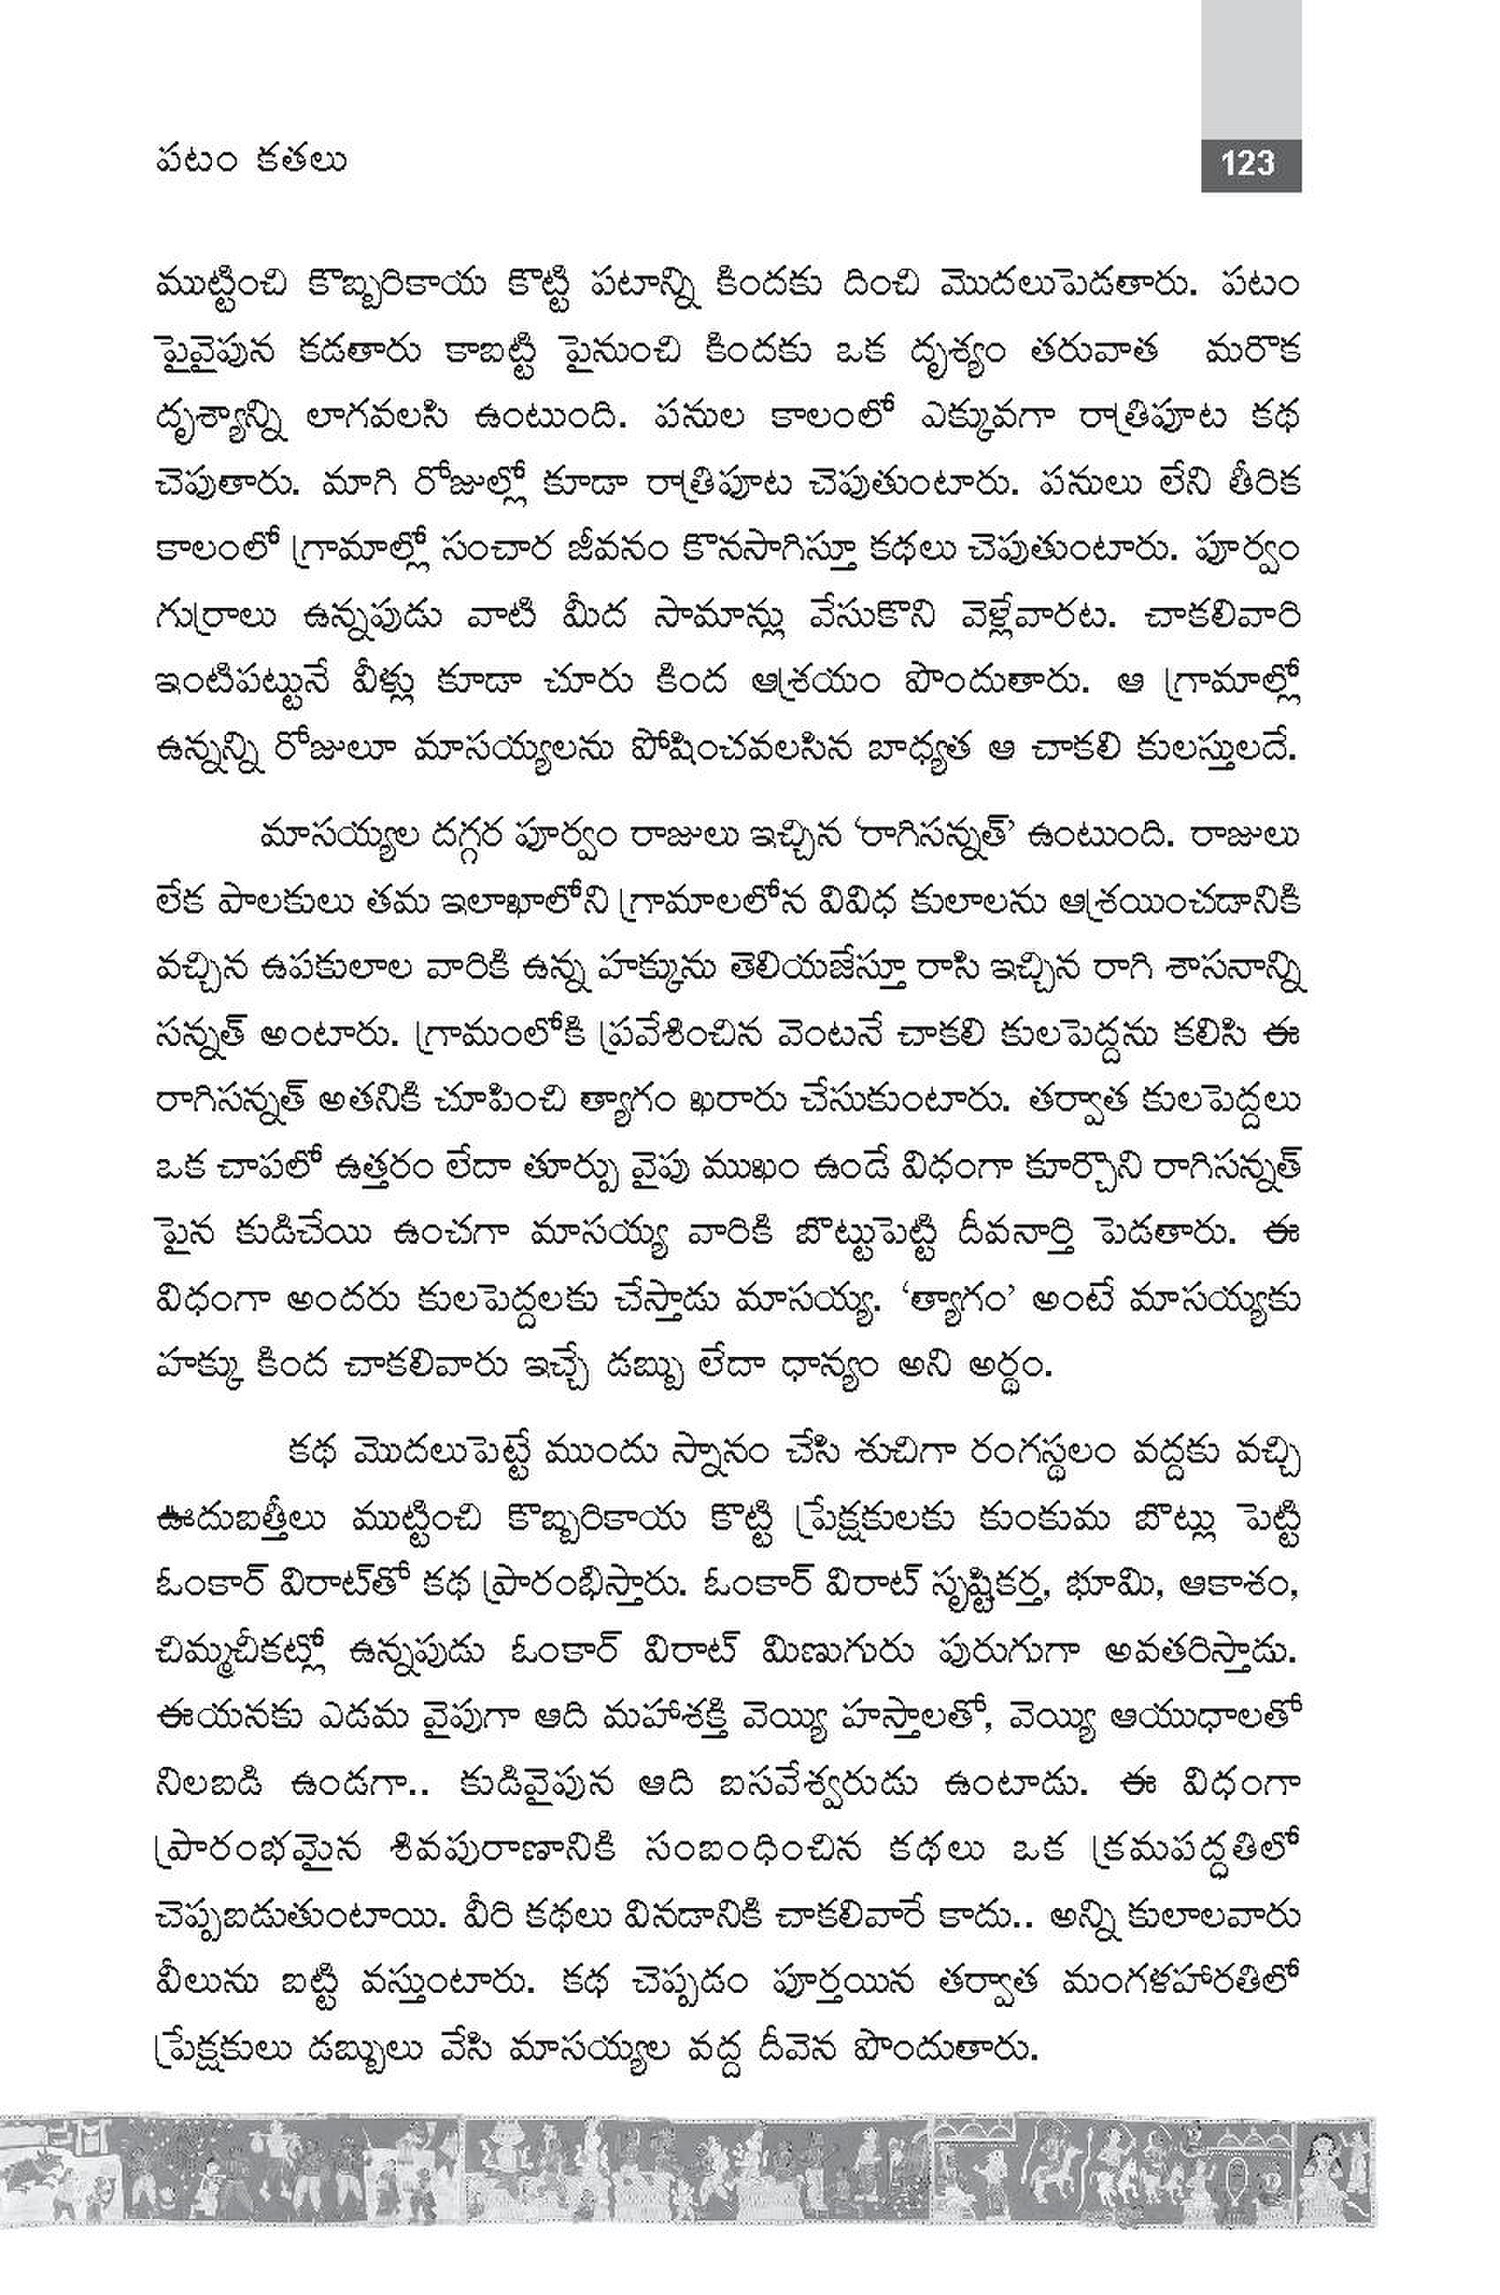ముట్టించి కొబ్బరికాయ కొట్టి పటాన్ని కిందకు దించి మొదలుపెడతారు. పటం పైవైపున కడతారు కాబట్టి పైనుంచి కిందకు ఒక దృశ్యం తరువాత మరొక దృశ్యాన్ని లాగవలసి ఉంటుంది. పనుల కాలంలో ఎక్కువగా రాత్రిపూట కథ చెపుతారు. మాగి రోజుల్లో కూడా రాత్రిపూట చెపుతుంటారు. పనులు లేని తీరిక కాలంలో గ్రామాల్లో సంచార జీవనం కొనసాగిస్తూ కథలు చెపుతుంటారు. పూర్వం గుర్రాలు ఉన్నపుడు వాటి మీద సామాన్లు వేసుకొని వెళ్లేవారట. చాకలివారి ఇంటిపట్టునే వీళ్లు కూడా చూరు కింద ఆశ్రయం పొందుతారు. ఆ గ్రామాల్లో ఉన్నన్ని రోజులూ మాసయ్యలను పోషించవలసిన బాధ్యత ఆ చాకలి కులస్తులదే.

మాసయ్యల దగ్గర పూర్వం రాజులు ఇచ్చిన రాగిసన్నత్' ఉంటుంది. రాజులు లేక పాలకులు తమ ఇలాభాలోని గ్రామాలలోన వివిధ కులాలను ఆశ్రయించడానికి వచ్చిన ఉపకులాల వారికి ఉన్న హక్కును తెలియజేస్తూ రాసి ఇచ్చిన రాగి శాసనాన్ని సన్నత్ అంటారు. గ్రామంలోకి ప్రవేశించిన వెంటనే చాకలి కులపెద్దను కలిసి ఈ రాగిసన్నత్ అతనికి చూపించి త్యాగం ఖరారు చేసుకుంటారు. తర్వాత కులపెద్దలు ఒక చాపలో ఉత్తరం లేదా తూర్పు వైపు ముఖం ఉండే విధంగా కూర్చొని రాగిసన్నత్ పైన కుడిచేయి ఉంచగా మాసయ్య వారికి బొట్టుపెట్టి దీవనార్తి పెడతారు. ఈ విధంగా అందరు కులపెద్దలకు చేస్తాడు మాసయ్య. 'త్యాగం' అంటే మాసయ్యకు హక్కు కింద చాకలివారు ఇచ్చే డబ్బు లేదా ధాన్యం అని అర్థం.

కథ మొదలుపెట్టే ముందు స్నానం చేసి శుచిగా రంగస్థలం వద్దకు వచ్చి ఊదుబత్తీలు ముట్టించి కొబ్బరికాయ కొట్టి ప్రేక్షకులకు కుంకుమ బొట్లు పెట్టి ఓంకార్ విరాట్తో కథ ప్రారంభిస్తారు. ఓంకార్ విరాట్ సృష్టికర్త, భూమి, ఆకాశం,
చిమ్మచీకట్లో ఉన్నపుడు ఓంకార్ విరాట్ మిణుగురు పురుగుగా అవతరిస్తాడు. ఈయనకు ఎడమ వైపుగా ఆది మహాశక్తి వెయ్యి హస్తాలతో, వెయ్యి ఆయుధాలతో నిలబడి ఉండగా.. కుడివైపున ఆది బసవేశ్వరుడు ఉంటాడు. ఈ విధంగా
ప్రారంభమైన శివపురాణానికి సంబంధించిన కథలు ఒక క్రమపద్ధతిలో చెప్పబడుతుంటాయి. వీరి కథలు వినడానికి చాకలివారే కాదు.. అన్ని కులాలవారు వీలును బట్టి వస్తుంటారు. కథ చెప్పడం పూర్తయిన తర్వాత మంగళహారతిలో
ప్రేక్షకులు డబ్బులు వేసి మాసయ్యల వద్ద దీవెన పొందుతారు.